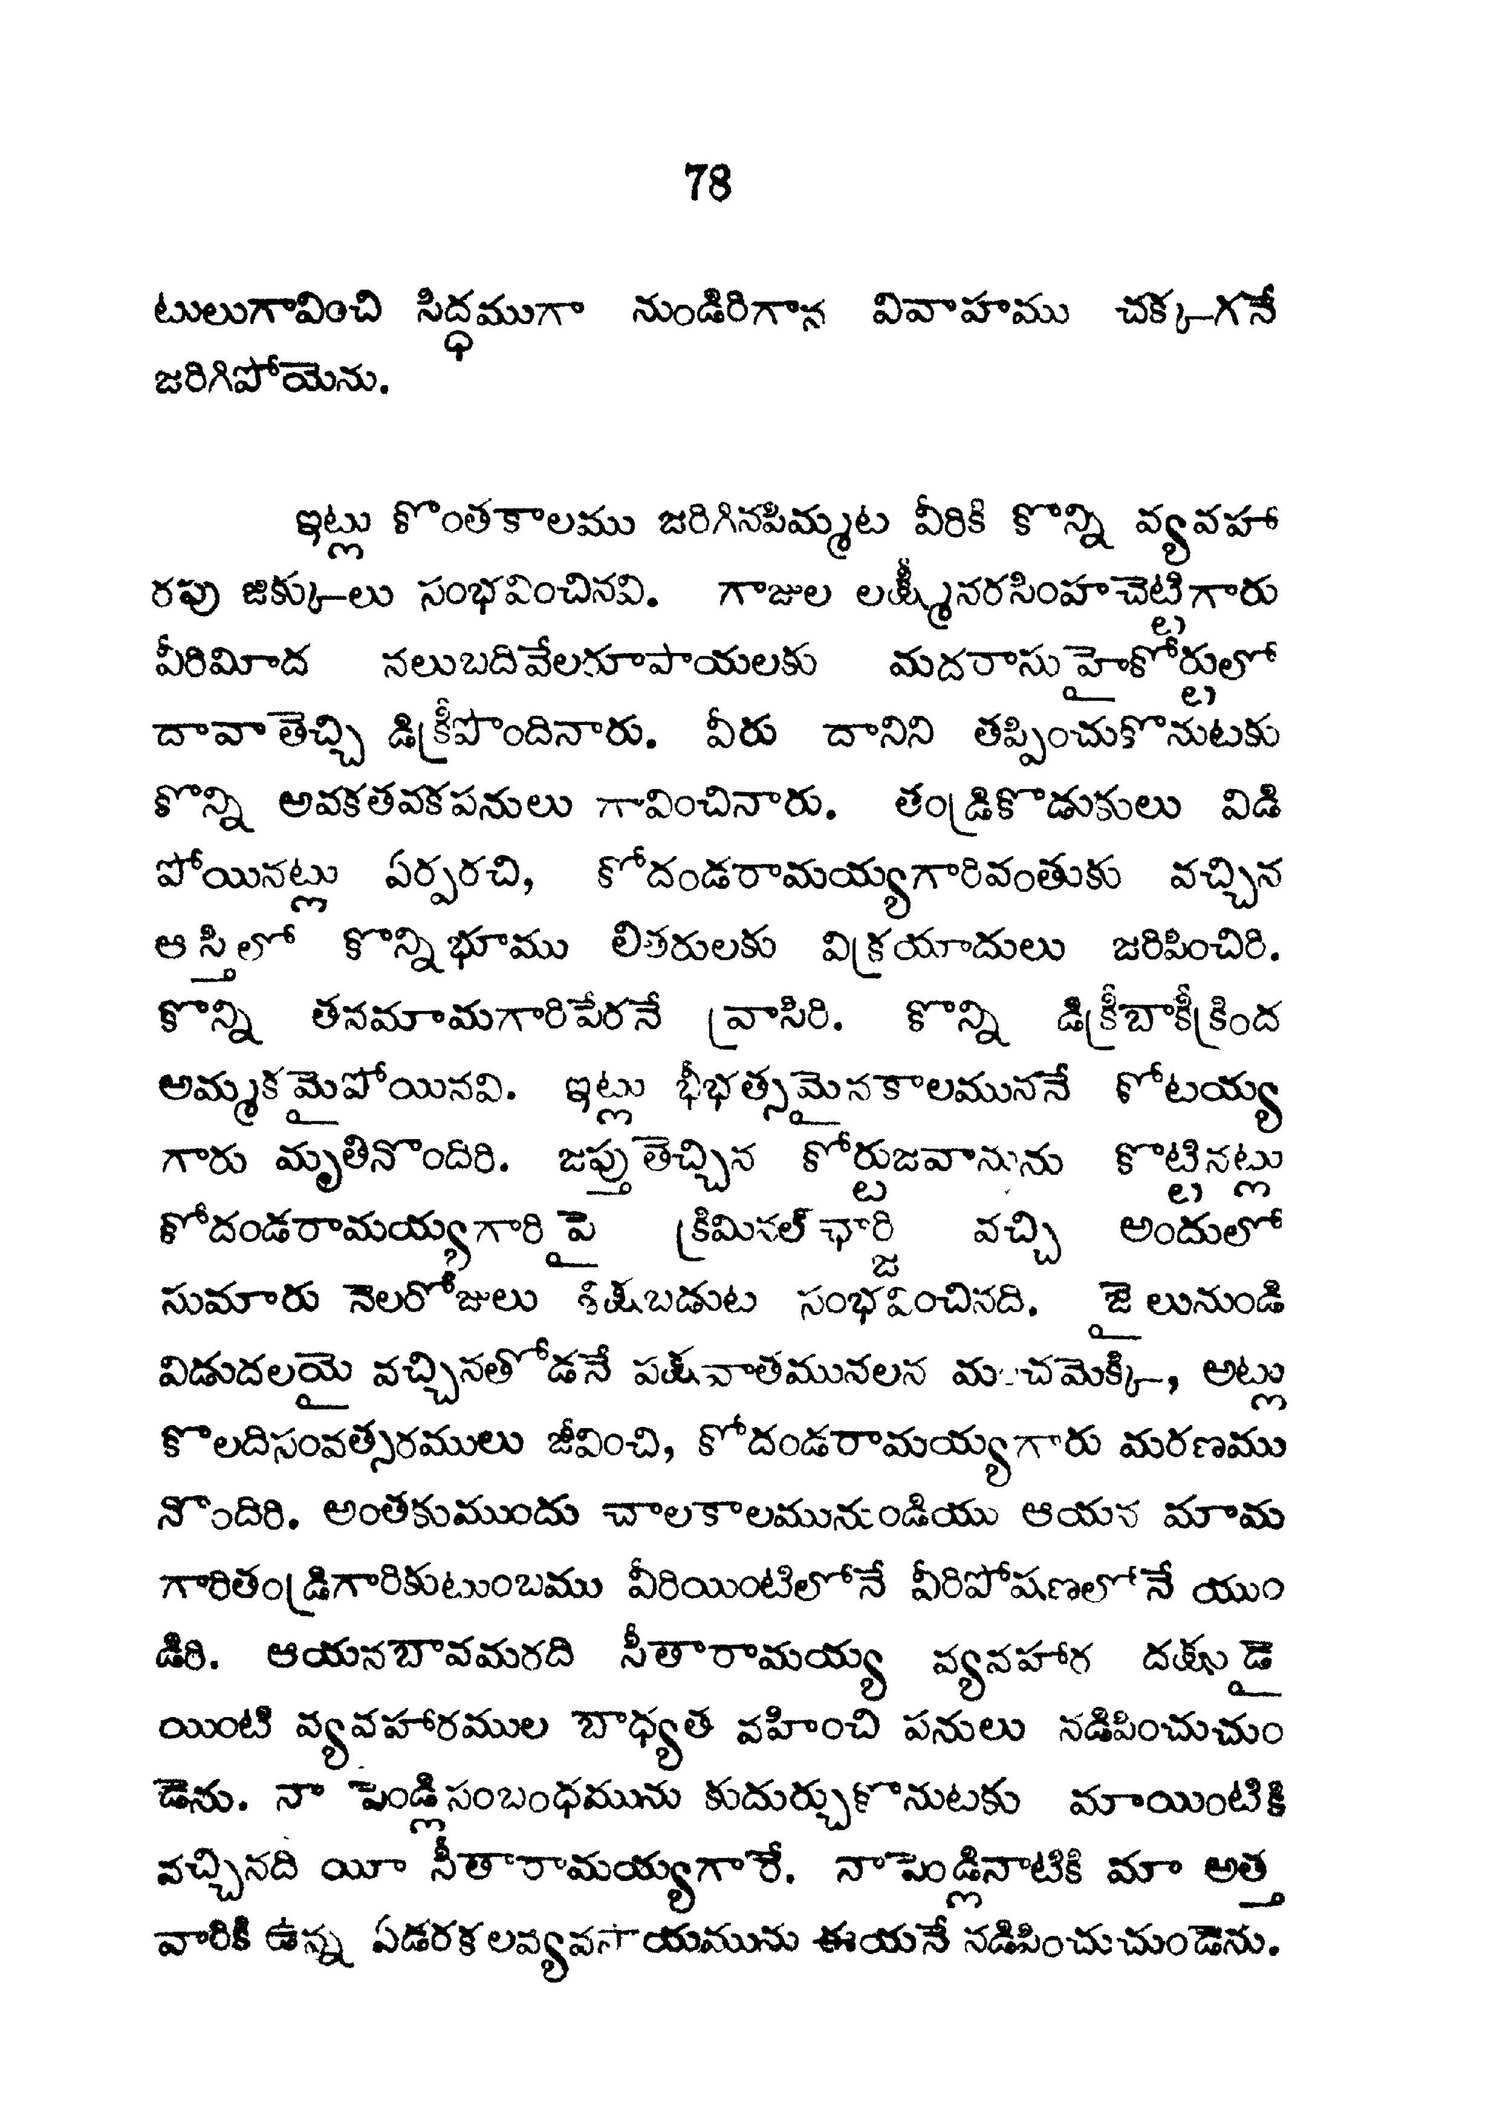టులుగావించి సిద్ధముగా నుండిరిగాన వివాహము చక్కగనే జరిగిపోయెను.

ఇట్లు కొంతకాలము జరిగినపిమ్మట వీరికి కొన్ని వ్యవహారపు జిక్కులు సంభవించినవి. గాజుల లక్ష్మీనరసింహచెట్టిగారు వీరిమీద నలుబదివేలరూపాయలకు మదరాసుహైకోర్టులో దావాతెచ్చి డిక్రీపొందినారు. వీరు దానిని తప్పించుకొనుటకు కొన్ని అవకతవకపనులు గావించినారు. తండ్రికొడుకులు విడిపోయినట్లు ఏర్పరచి, కోదండరామయ్యగారివంతుకు వచ్చిన ఆస్తిలో కొన్నిభూము లితరులకు విక్రయాదులు జరిపించిరి. కొన్ని తనమామగారిపేరనే వ్రాసిరి. కొన్ని డిక్రీబాకీక్రింద అమ్మకమైపోయినవి. ఇట్లు భీభత్సమైనకాలముననే కోటయ్యగారు మృతినొందిరి. జప్తుతెచ్చిన కోర్టుజవానును కొట్టినట్లు కోదండరామయ్యగారిపై క్రిమినల్‌ఛార్జి వచ్చి అందులో సుమారు నెలరోజులు శిక్షబడుట సంభవించినది. జైలునుండి విడుదలయై వచ్చినతోడనే పక్షవాతమువలన మంచమెక్కి, అట్లు కొలదిసంవత్సరములు జీవించి, కోదండరామయ్యగారు మరణము నొందిరి. అంతకుముందు చాలకాలమునుండియు ఆయన మామగారితండ్రికుటుంబము వీరియింటిలోనే వీరిపోషణలోనే యుండిరి. ఆయనబావమరది సీతారామయ్య వ్యవహార దక్షుడై యింటి వ్యవహారముల బాధ్యత వహించి పనులు నడిపించుచుండెను. నా పెండ్లిసంబంధమును కుదుర్చుకొనుటకు మాయింటికి వచ్చినది యీ సీతారామయ్యగారే. నాపెండ్లినాటికి మా అత్తవారికి ఉన్న ఏడరకలవ్యవసాయమును ఈయనే నడిపించుచుండెను.